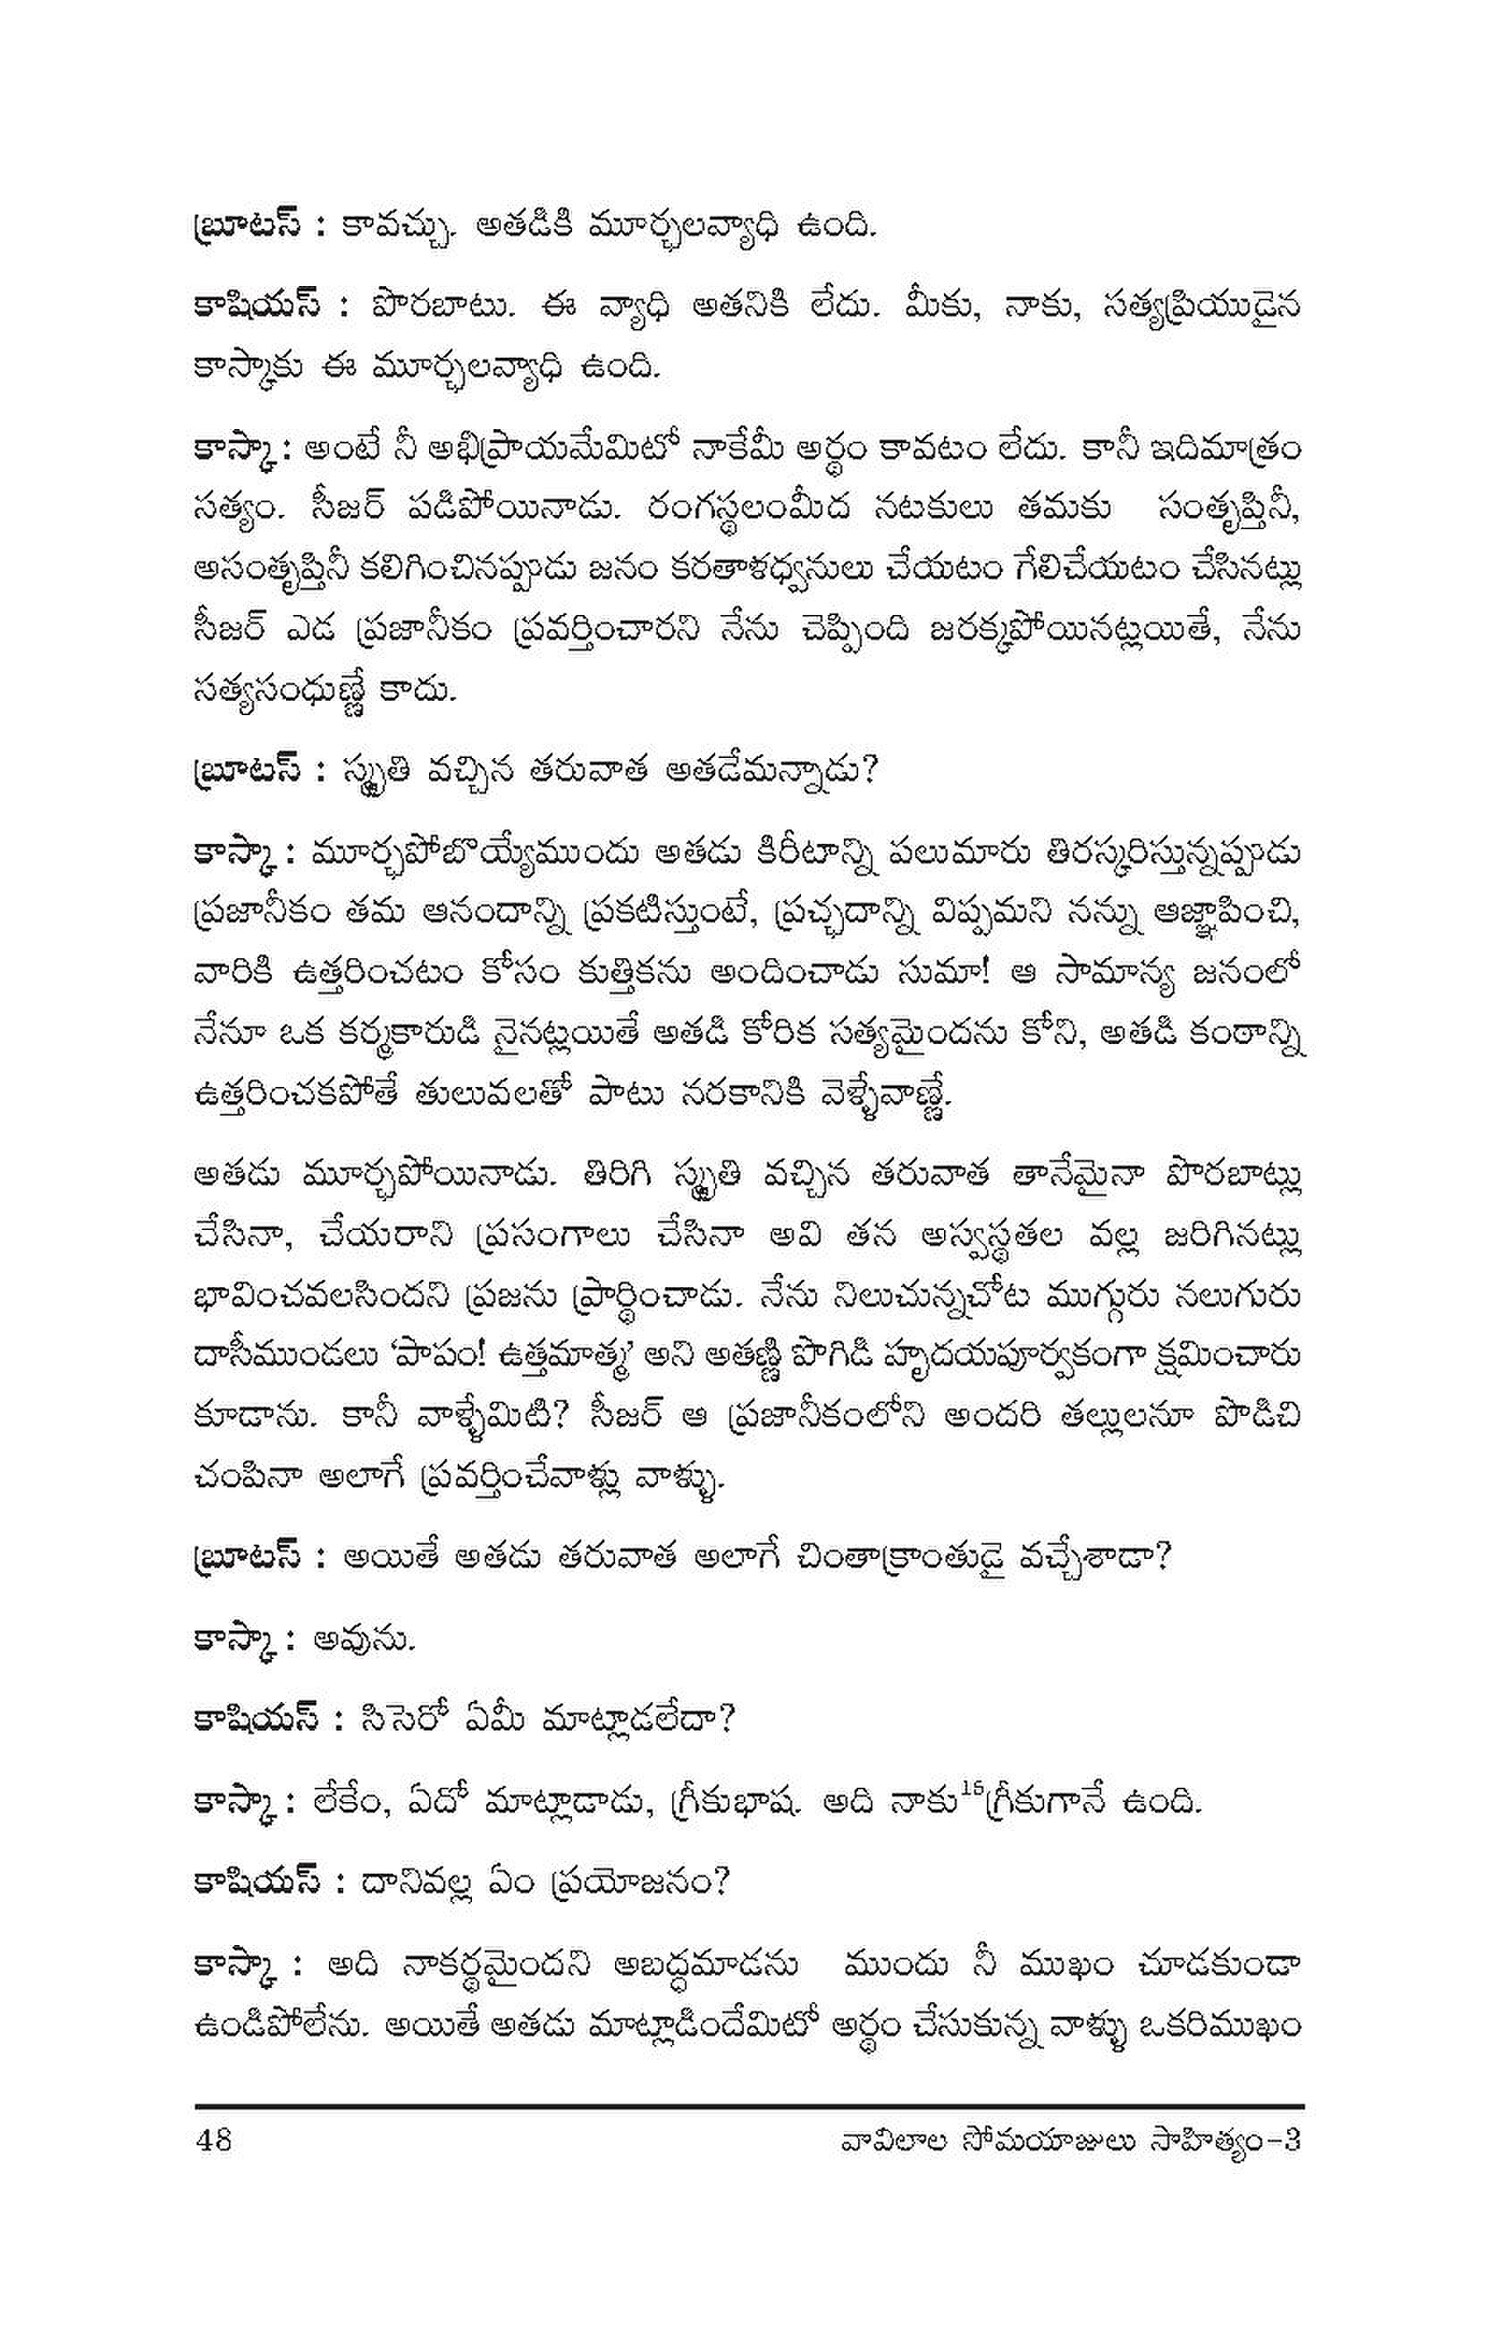బ్రూటస్ : కావచ్చు. అతడికి మూర్ఛలవ్యాధి ఉంది.

కాషియస్: పొరబాటు. ఈ వ్యాధి అతనికి లేదు. మీకు, నాకు, సత్యప్రియుడైన కాస్కాకు ఈ మూర్ఛలవ్యాధి ఉంది.

కాస్కా : అంటే నీ అభిప్రాయమేమిటో నాకేమీ అర్థం కావటం లేదు. కానీ ఇదిమాత్రం సత్యం. సీజర్ పడిపోయినాడు. రంగస్థలంమీద నటకులు తమకు సంతృప్తినీ, అసంతృప్తినీ కలిగించినప్పుడు జనం కరతాళధ్వనులు చేయటం గేలిచేయటం చేసినట్లు సీజర్ ఎడ ప్రజానీకం ప్రవర్తించారని నేను చెప్పింది జరక్కపోయినట్లయితే, నేను
సత్యసంధుణ్ణి కాదు.

బ్రూటస్ : స్మృతి వచ్చిన తరువాత అతడేమన్నాడు?

కాస్కా : మూర్ఛపోబొయ్యేముందు అతడు కిరీటాన్ని పలుమారు తిరస్కరిస్తున్నప్పుడు ప్రజానీకం తమ ఆనందాన్ని ప్రకటిస్తుంటే, ప్రచ్ఛదాన్ని విప్పమని నన్ను ఆజ్ఞాపించి, వారికి ఉత్తరించటం కోసం కుత్తికను అందించాడు సుమా! ఆ సామాన్య జనంలో నేనూ ఒక కర్మకారుడి నైనట్లయితే అతడి కోరిక సత్యమైందను కోని, అతడి కంఠాన్ని ఉత్తరించకపోతే తులువలతో పాటు నరకానికి వెళ్ళేవాణ్ణి.

అతడు మూర్ఛపోయినాడు. తిరిగి స్మృతి వచ్చిన తరువాత తానేమైనా పొరబాట్లు చేసినా, చేయరాని ప్రసంగాలు చేసినా అవి తన అస్వస్థతల వల్ల జరిగినట్లు భావించవలసిందని ప్రజను ప్రార్థించాడు. నేను నిలుచున్నచోట ముగ్గురు నలుగురు
దాసీముండలు 'పాపం! ఉత్తమాత్మ' అని అతణ్ణి పొగిడి హృదయపూర్వకంగా క్షమించారు. కూడాను. కానీ వాళ్ళేమిటి? సీజర్ ఆ ప్రజానీకంలోని అందరి తల్లులనూ పొడిచి చంపినా అలాగే ప్రవర్తించేవాళ్లు వాళ్ళు.

బ్రూటస్ : అయితే అతడు తరువాత అలాగే చింతాక్రాంతుడై వచ్చేశాడా?

కాస్కా : అవును.

కాషియస్ : సిసెరో ఏమీ మాట్లాడలేదా?

కాస్కా : లేకేం, ఏదో మాట్లాడాడు, గ్రీకుభాష. అది నాకు15 గ్రీకుగానే ఉంది.

కాషియస్ : దానివల్ల ఏం ప్రయోజనం?

కాస్కా : అది నాకర్థమైందని అబద్ధమాడను ముందు నీ ముఖం చూడకుండా ఉండిపోలేను. అయితే అతడు మాట్లాడిందేమిటో అర్థం చేసుకున్న వాళ్ళు ఒకరిముఖం
48వావిలాల సోమయాజులు సాహిత్యం-3